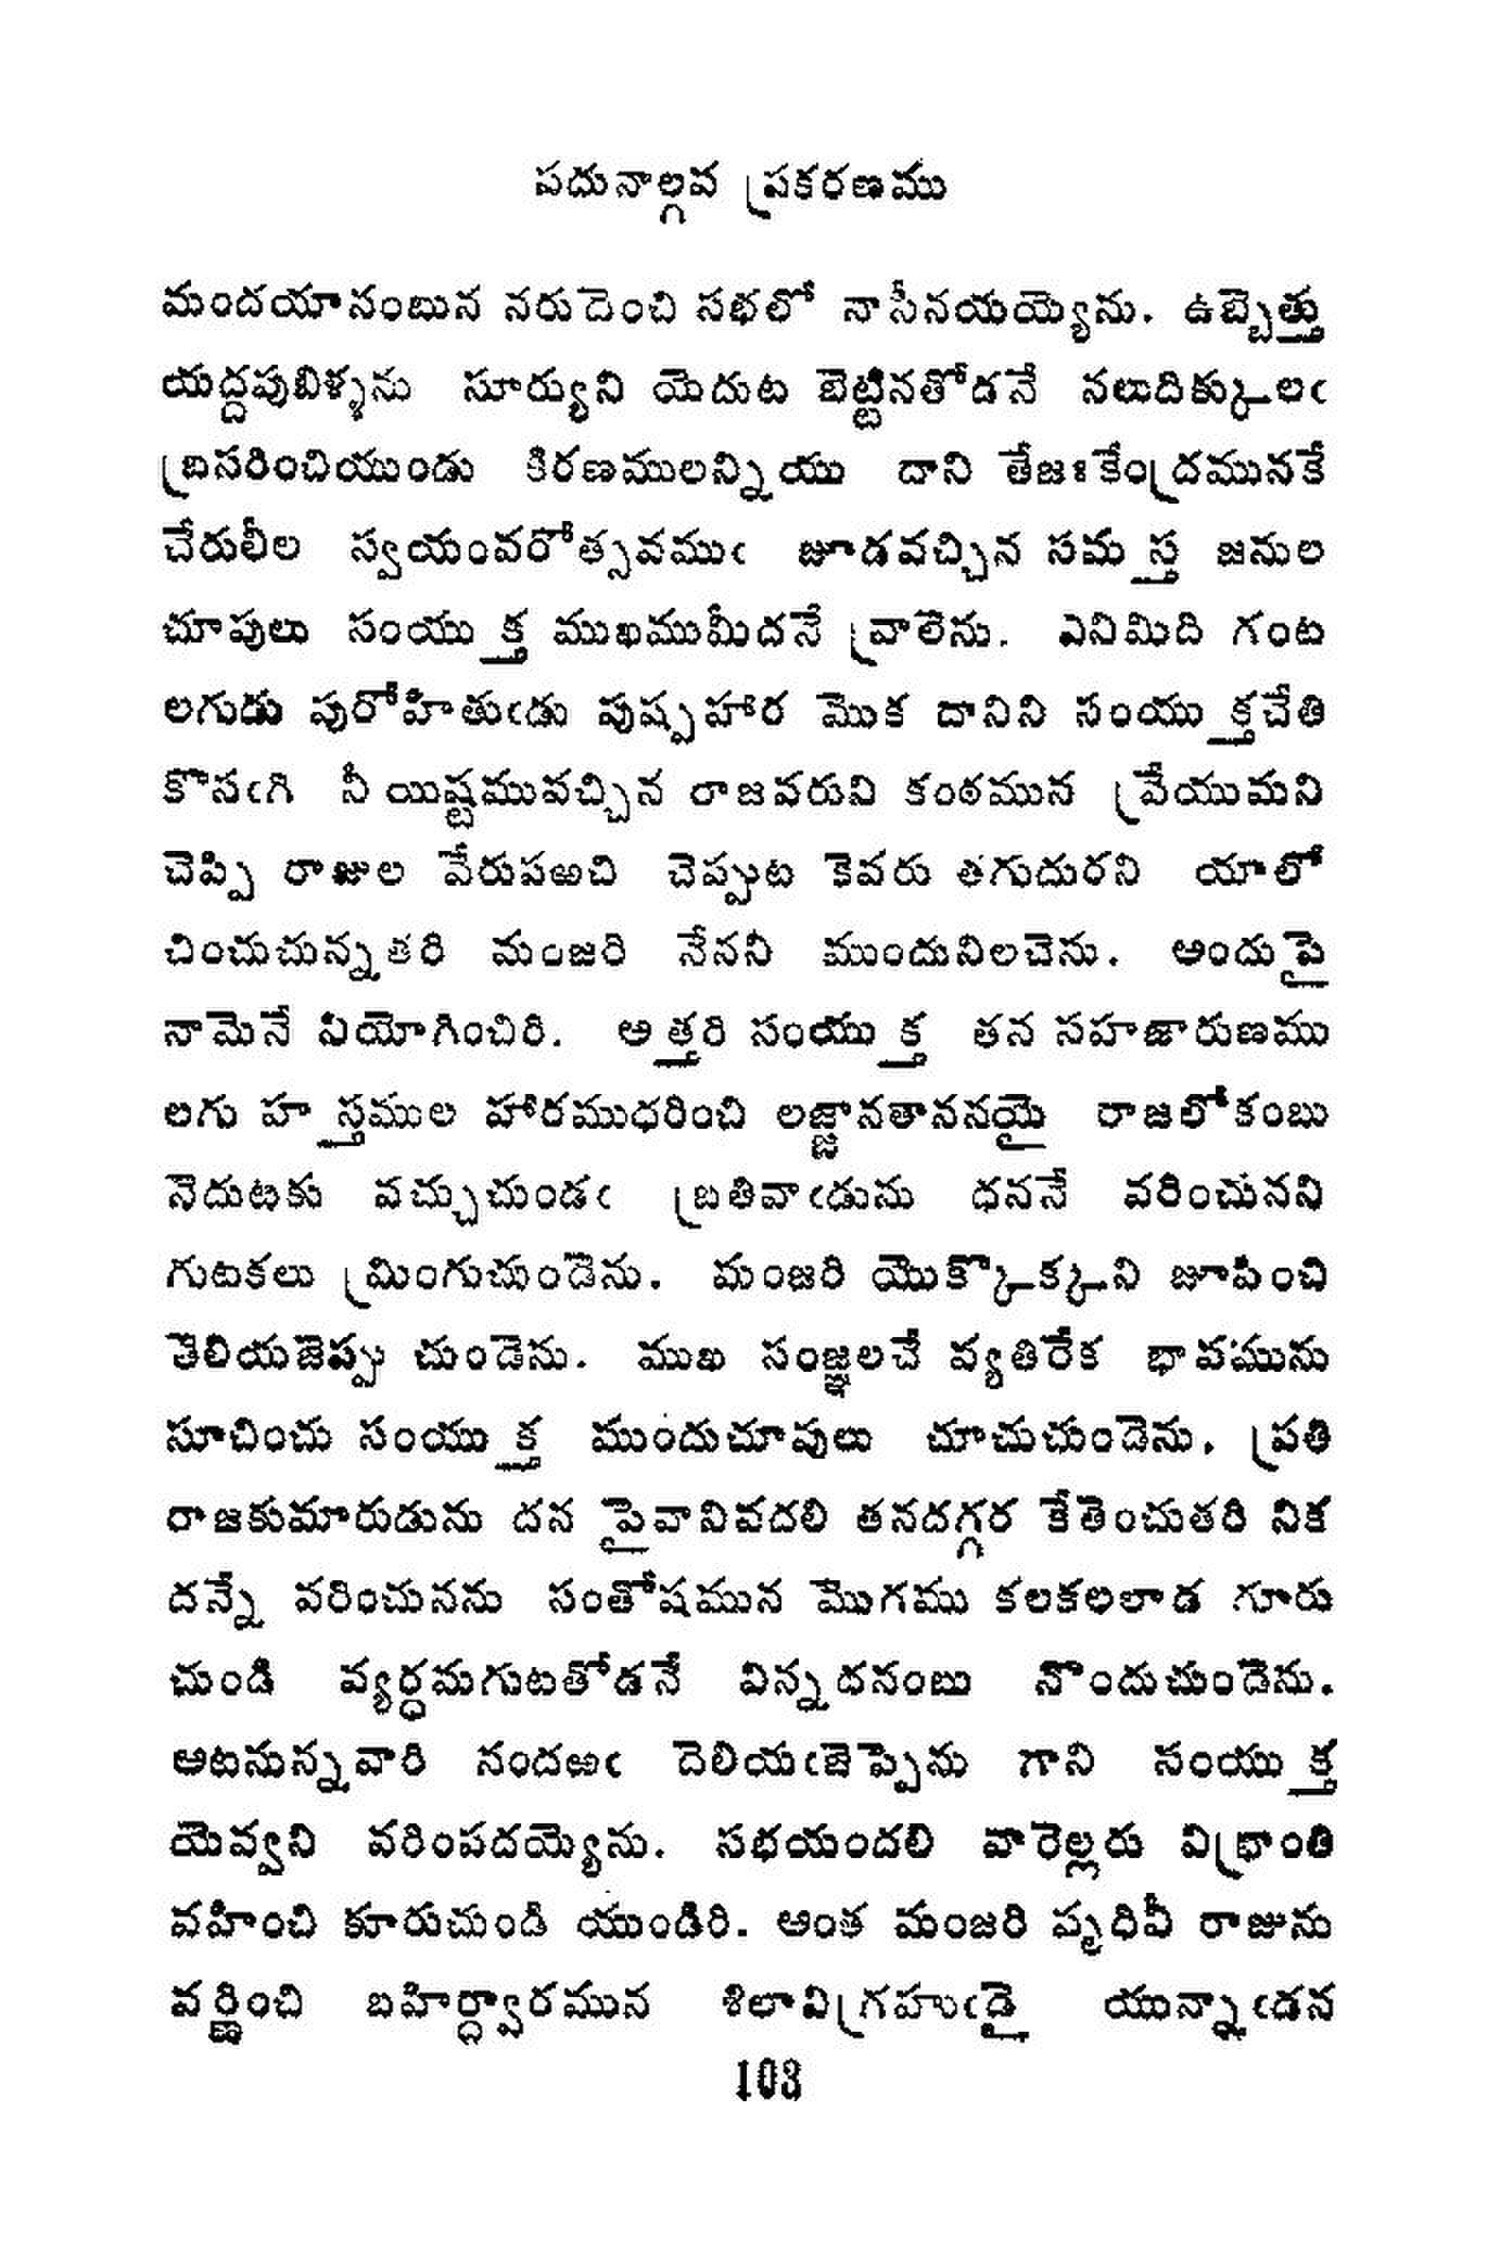మందయానంబున నరుదెంచి సభలో నాసీనయయ్యెను. ఉబ్బెత్తు యద్దపుబిళ్ళను సూర్యుని యెదుట బెట్టినతోడనే నలుదిక్కులఁ బ్రసరించియుండు కిరణములన్నియు దాని తేజఃకేంద్రమునకే చేరులీల స్వయంవరోత్సవముఁ జూడవచ్చిన సమస్త జనుల చూపులు సంయుక్త ముఖముమీదనే వ్రాలెను. ఎనిమిది గంటలగుడు పురోహితుఁడు పుష్పహార మొక దానిని సంయుక్తచేతి కొసఁగి నీ యిష్టమువచ్చిన రాజవరుని కంఠమున వ్రేయుమని చెప్పి రాజుల వేరుపఱచి చెప్పుట కెవరు తగుదురని యాలోచించుచున్నతరి మంజరి నేనని ముందునిలచెను. అందుపై నామెనే నియోగించిరి. అత్తరి సంయుక్త తన సహజారుణములగు హస్తముల హారముధరించి లజ్జానతాననయై రాజలోకంబు నెదుటకు వచ్చుచుండఁ బ్రతివాఁడును ధననే వరించునని గుటకలు మ్రింగుచుండెను. మంజరి యొక్కొక్కని జూపించి తెలియజెప్పు చుండెను. ముఖ సంజ్ఞలచే వ్యతిరేక భావమును సూచించు సంయుక్త ముందుచూపులు చూచుచుండెను. ప్రతి రాజకుమారుడును దన పైవానివదలి తనదగ్గర కేతెంచుతరి నిక దన్నే వరించునను సంతోషమున మొగము కలకలలాడ గూరుచుండి వ్యర్ధమగుటతోడనే విన్నదనంబు నొందుచుండెను. అటనున్నవారి నందఱఁ దెలియఁజెప్పెను గాని సంయుక్త యెవ్వని వరింపదయ్యెను. సభయందలి పారెల్లరు విభ్రాంతి వహించి కూరుచుండి యుండిరి. అంత మంజరి పృధివీ రాజును వర్ణించి బహిర్ద్వారమున శిలావిగ్రహుఁడై యున్నాడన